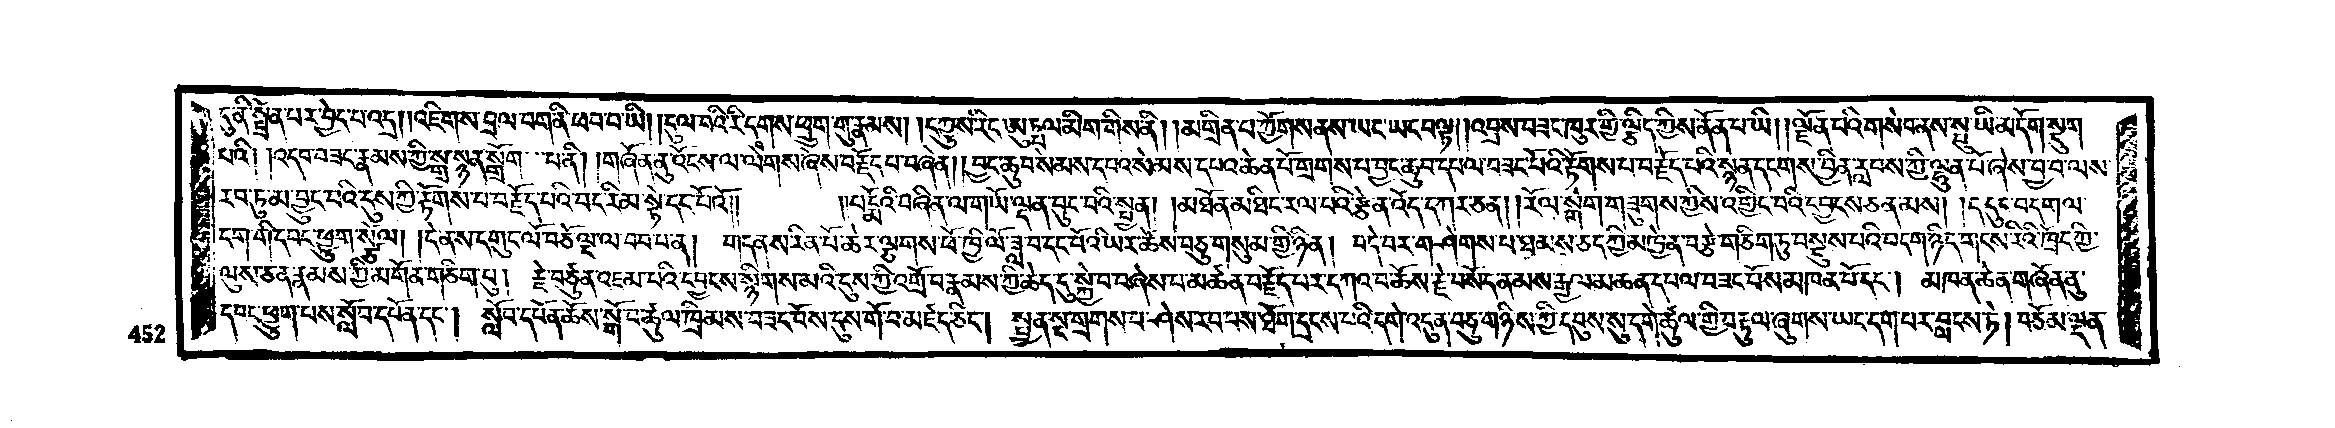དུ་ནི་སྤྲོན་པར་བྱེད་པ་འདྲ། །འཇིགས་བྲལ་བག་ནི་ཕབ་པ་ཡི། །དུལ་བའི་རི་དྭགས་ཕྲུག་གུ་རྣམས། །དཀྱུས་རིང་ཨུཏྤལ་མིག་གིས་ནི། །མགྲིན་པ་ཀྱོགས་ནས་ཡང་ཡང་བལྟ། །འབྲས་བཟང་ཁུར་གྱི་ལྕིད་ཀྱིས་ནོན་པ་ཡི། །ལྗོན་པའི་གསེབ་ནས་སྤུ་ཡི་མདོག་སྡུག་
པའི། །འདབ་བཟང་རྣམས་ཀྱི་སྒྲ་སྙན་སྒྲོག་པ་ནི། །གཞོན་ནུ་འོངས་ལ་ལེགས་ཞེས་བརྗེད་པ་བཞིན། །བྱང་ཆུབ་སེམས་དཔའ་སེམས་དཔའ་ཆེན་པོ་གྲགས་པ་བྱང་ཆུབ་དཔལ་བཟང་པོའི་རྟོགས་པ་བརྗོད་པའི་སྙན་དངགས་བྱིན་རླབས་ཀྱི་ལྷུན་པོ་ཞེས་བྱ་བ་ལས་
རབ་ཏུ་མ་བྱུང་བའི་དུས་ཀྱི་རྟོགས་པ་བརྗོད་པའི་བང་རིམ་སྟེ་དང་པོའོ།། །།པདམོའི་བཞིན་ལ་གཡོ་ལྡན་བུང་བའི་སྤྱན། །མཐོན་མཐིང་རལ་པའི་རྩེ་ན་འོད་དཀར་ཅན། །རོལ་སྒེག་གཟུགས་ཀྱིས་འགྱིང་བའི་དབྱངས་ཅན་མས། །ད་དུང་བདག་ལ་
ངག་གི་དབང་ཕྱུག་སྩོལ། །དེ་ནས་དགུང་ལོ་བཅོ་ལྔ་ལ་བབ་པ་ན། གདན་ས་རིན་པོ་ཆེར་ལྕགས་ཕོ་ཁྱི་ལོ་ཟླ་བ་དང་པོའི་ཡར་ཚེས་བཅུ་གསུམ་གྱི་ཉིན། བདེ་བར་གཤེགས་པ་ཐམས་ཅད་ཀྱི་མཁྱེན་བརྩེ་གཅིག་ཏུ་བསྡུས་པའི་བདག་ཉིད་གངས་རིའི་ཁྲོད་ཀྱི་
ལུས་ཅན་རྣམས་ཀྱི་མགོན་གཅིག་པུ། རྗེ་བཙུན་འཇམ་པའི་དབྱངས་སྙིགས་མའི་དུས་ཀྱི་འགྲོ་བ་རྣམས་ཀྱི་ཆེད་དུ་སྐྱེ་བ་བཞེས་པ་མཚན་བརྗོད་པར་དཀའ་བ་ཆོས་རྗེ་བསོད་ནམས་རྒྱལ་མཚན་དཔལ་བཟང་པོས་མཁན་པོ་དང་། མཁན་ཆེན་གཞོན་ནུ་
དབང་ཕྱུག་པས་སློབ་དཔོན་དང་། སློབ་དཔོན་ཆོས་སྒོ་བ་ཚུལ་ཁྲིམས་བཟང་པོས་དུས་གོ་བ་མཛད་ཅིང་། སྤྱན་སྔ་གྲགས་པ་ཤེས་རབ་པས་ཐོག་དྲངས་པའི་དགེ་འདུན་བཅུ་གཉིས་ཀྱི་དབུས་སུ་དགེ་ཚུལ་གྱི་བརྟུལ་ཞུགས་ཡང་དག་པར་བླངས་ཏེ། བཅོམ་ལྡན་